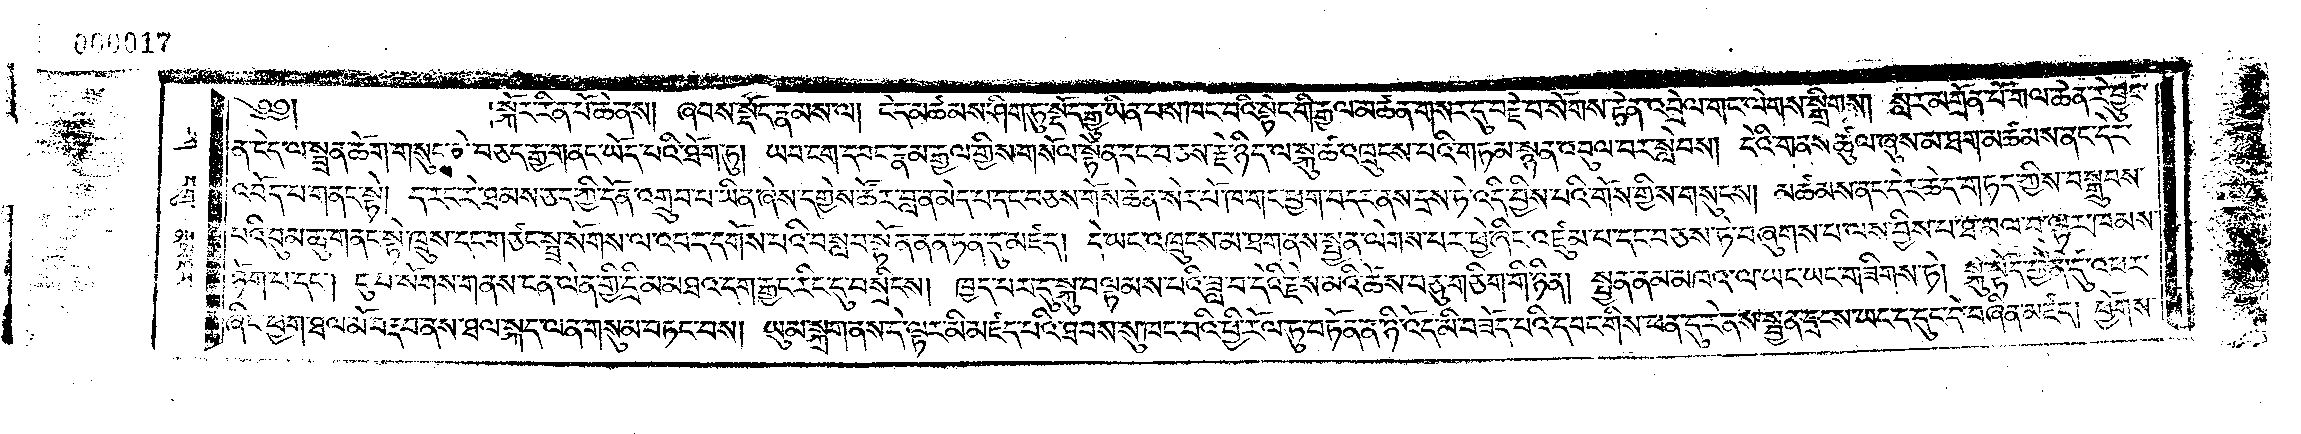༄༅། །སྐོར་རིན་པོ་ཆེ་ནས། ཞབས་སྡོང་རྣམས་ལ། ངེད་མཚམས་ཤིག་ཏུ་སྡོད་རྒྱུ་ཡིན་པས་ཁང་བའི་སྟེང་གི་རྒྱལ་མཚན་གསར་དུ་བརྗེ་པ་སོགས་རྟེན་འབྲེལ་གང་ལེགས་སྒྲིགས། སླར་མགྲོན་པོ་གལ་ཆེན་རེ་བྱུང་
ན་ངེད་ལ་སྦྲན་ཆོག་གསུང་ཏེ་བཅད་རྒྱ་གནང་ཡོད་པའི་ཐོག་ཏུ། ཡབ་ངག་དབང་རྣམ་རྒྱལ་གྱིས་གསོལ་སྟོན་དང་བཅས་རྗེ་ཉིད་ལ་སྐུ་ཚ་འཁྲུངས་པའི་གཏམ་སྙམ་འབུལ་བར་སླེབས། དེའི་གནས་ཚུལ་ཞུས་མ་ཐག་མཚམས་ནང་དེར་
འབོད་པ་གནང་སྟེ། ད་རང་རེ་ཐམས་ཅད་ཀྱི་དོན་འགྲུབ་པ་ཡིན་ཞེས་དགྱེས་ཚོར་བླ་ན་མེད་པ་དང་བཅས་གོས་ཆེན་སེར་བོ་ཁ་གང་ཕྱག་བདར་ནས་དྲས་ཏེ་འདི་བྱིས་པའི་གོས་གྱིས་གསུངས། མཚམས་ནང་དེར་ཆེད་གཏད་ཀྱིས་བསྒྲུབས་
པའི་བུམ་ཆུ་གནང་སྟེ་ཁྲུས་དང་གཙང་སྦྲ་སོགས་ལ་འབད་དགོས་པའི་བསླབ་སྟོན་ནན་ཏན་དུ་མཛད། དེ་ཡང་འཁྲུངས་མ་ཐག་ནས་སྤྱན་ལེགས་པར་ཕྱེ་ཞིང་འཛུམ་པ་དང་བཅས་ཏེ་བཞུགས་པ་ལས་བྱིས་པ་ཐ་མལ་པ་ལྟར་ཁམས་
ཉོག་པ་དང་། དུ་བ་སོགས་གནས་ངན་ལེན་གྱི་དྲི་མ་མཐའ་དག་རྒྱང་རིང་དུ་བསྲིངས། ཁྱད་པར་དུ་སྐུ་བལྟམས་པའི་ཟླ་བ་དེའི་རྗེས་མའི་ཚེས་བཅུ་གཅིག་གི་ཉིན། སྤྱན་ནམ་མཁའ་ལ་ཡང་ཡང་གཟིགས་ཏེ། སྐུ་སྟོད་གྱེན་དུ་འཕར་
ཞིང་ཕྱག་ཐལ་མོ་བརྡབ་ནས་ཐལ་སྐད་ལན་གསུམ་བཏང་བས། ཡུམ་སྐྲག་ནས་དེ་ལྟར་མི་མཛད་པའི་ཐབས་སུ་ཁང་བའི་ཕྱི་རོལ་ཏུ་བཏོན་ན་ཉི་འོད་མི་བཟོད་པའི་དབང་གིས་ཕན་དུ་རེ་ནས་སྤྱན་དྲངས་ཡང་ད་དུང་དེ་བཞིན་མཛད། ཕྱོགས་